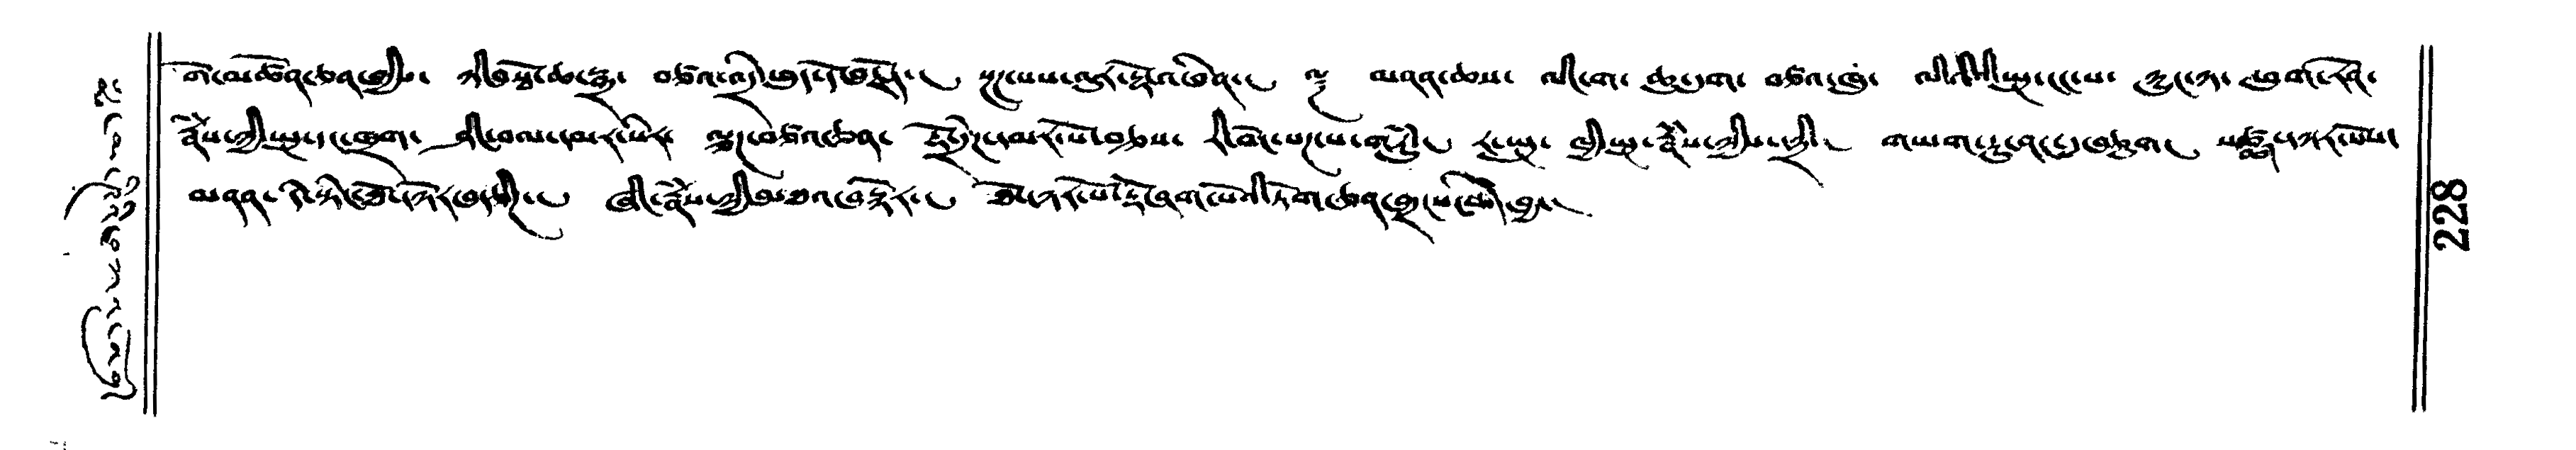གོ་མཚོན་ཅན་གྱིས་ཀི་བསྭོ་ཆ་སྒྲ། བཙའ་འདྲེ་ཕུད་དོ་རྗོད། སྔགས་པས་འུར་རྡོ་འཕེན། ༈ མནན་ཆས། ལིང་ག ཆུ་དུག བཙའ་ཁུ། ལི་དིའི་སྤུ་ངང་པ། ཀྱུང་ཀ ཕུག་རོན་
རྣམས་ཀྱི་སྤུ་དང་ཁྲག ཤིང་བལ་དམར་སེར། ལྕགས་བཙའ་ཅན། རྡོ་དྲེགས་དམར་པོ་བཅས། རི་བོང་པགས་པས་ཐུམས། ར་སྤུ། ཁྱི་སྤུ་རྣམས་ཀྱིས་དཀྲི། གཡག་རུའི་ནང་དུ་བཅུག སཚྪ་དཀར་པོས་
མནན། དེ་སྟེང་ཐོ་དཀོར་བརྩིག ཞིང་རྣམས་ཀྱི་མཐའ་བསྐོར། ཐོ་དཀར་པོ་རྡོ་ནག་པོའི་ཏོག་ཅན་གྲངས་ཆེད་བྱ།